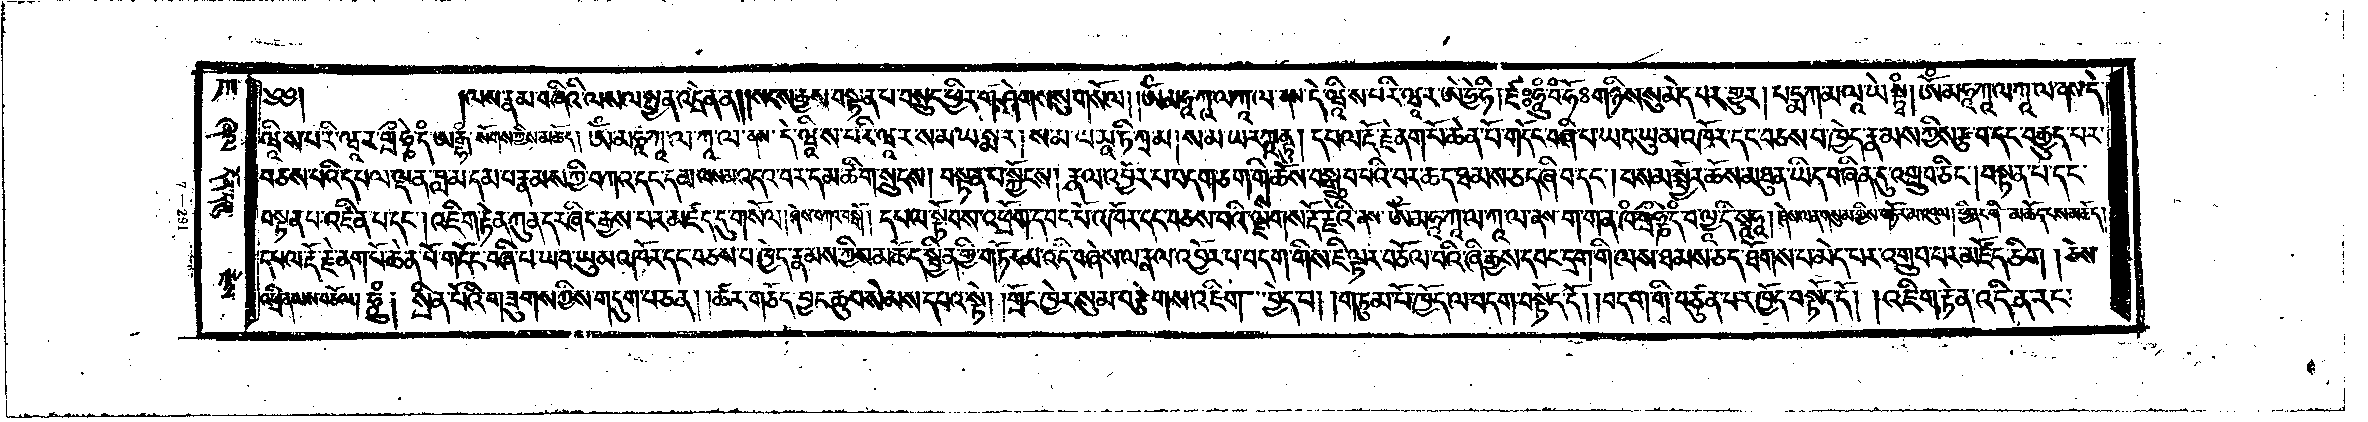༄༅། །ལས་རྣམ་བཞིའི་ལས་ལ་སྤྱན་འདྲེན་ན། །སངས་རྒྱས་བསྟན་པ་བསྲུང་ཕྱིར་གཤེགས་སུ་གསོལ། །ཨོཾ་མཧཱ་ཀཱ་ལ་ཀཱ་ལ་ནས་དེ་ཝཱི་ས་པ་རི་ཝཱ་ར་ཨེ་ཧྱེ་ཧི། ཇཿ ཧཱུཾ་བཾ་ཧོཿ གཉིས་སུ་མེད་པར་གྱུར། པདམ་ཀ་མ་ལཱ་ཡེ་སྟྭཾ། ཨོཾ་མཧཱ་ཀཱ་ལ་ཀཱ་ལ་ནས་དེ་
ཝཱི་ས་པ་རི་ཝཱ་ར་གྲྀཧྞེ་དཾ་ཨརྒྷཾ་སོགས་ཀྱིས་མཆོད།  ཨོཾ་མཧཱ་ཀཱ་ལ་ཀཱ་ལ་ནས་དེ་ཝཱི་ས་པ་རི་ཝཱ་ར་ས་མ་ཡ་སྨ་ར། ས་མ་ཡ་མཱ་ཏི་ཀྲ་མ། ས་མ་ཡ་རཀྵནྟུ། དཔལ་རྡོ་རྗེ་ནག་པོ་ཆེན་པོ་གདོང་བཞི་པ་ཡབ་ཡུམ་འཁོར་དང་བཅས་པ་ཁྱེད་རྣམས་ཀྱིས་རྩ་བ་དང་བརྒྱུད་པར་
བཅས་པའི་དཔལ་ལྡན་བླ་མ་དམ་པ་རྣམས་ཀྱི་བཀའ་དང་དམ་ལས་མ་འདའ་བར་དམ་ཚིག་སྲུངས། བསྟན་པ་སྐྱོངས། རྣལ་འབྱོར་པ་བདག་ཅག་གིས་ཆོས་བསྒྲུབ་པའི་བར་ཆད་ཐམས་ཅད་ཞི་བ་དང་། བསམ་སྦྱོར་ཆོས་མཐུན་ཡིད་བཞིན་དུ་འགྲུབ་ཅིང་། བསྟན་པ་དང་
བསྟན་པ་འཛིན་པ་དང་། འཇིག་རྟེན་ཀུན་དར་ཞིང་རྒྱས་པར་མཛད་དུ་གསོལ། ཞེས་བཀའ་བསྒོ། དཔལ་སྟོབས་འཕྲོག་དབང་པོ་འཁོར་དང་བཅས་པའི་ལྗགས་རྡོ་རྗེའི་ནས་ཨོཾ་མཧཱ་ཀཱ་ལ་ཀཱ་ལ་ནས་ག་ག་ན་ཁཾ་གྲྀཧྣེ་དཾ་བ་ལྱ་དི་སྭཱཧཱ། ཞེས་ལན་གསུམ་གྱིས་གཏོར་མ་འབུལ། ཕྱི་ནང་མཆོད་པས་མཆོད།
དཔལ་རྡོ་རྗེ་ནག་པོ་ཆེན་པོ་གདོང་བཞི་པ་ཡབ་ཡུམ་འཁོར་དང་བཅས་པ་ཁྱེད་རྣམས་ཀྱིས་མཆོད་སྦྱིན་གྱི་གཏོར་མ་འདི་བཞེས་ལ་རྣལ་འབྱོར་བ་བདག་གིས་ཇི་ལྟར་བཅོལ་བའི་ཞི་རྒྱས་དབང་དྲག་གི་ལས་ཐམས་ཅད་ཐོགས་པ་མེད་པར་འགྲུབ་པར་མཛོད་ཅིག །ཅེས་
འཕྲིན་ལས་བཅོལ། ཧཱུཾ༑ སྲིན་པོའི་གཟུགས་ཀྱིས་གདུག་པ་ཅན། །ཚར་གཅོད་བྱང་ཆུབ་སེམས་དཔའ་སྟེ། །གྲོང་ཁྱེར་སུམ་བརྩེགས་འཇིག་བྱེད་པ། །གཏུམ་པོ་ཁྱོད་ལ་བདག་བསྟོད་དོ། །བདག་གིས་བཙུན་པར་ཁྱོད་བསྟོད་དོ། །འཇིག་རྟེན་འདི་ན་རང་